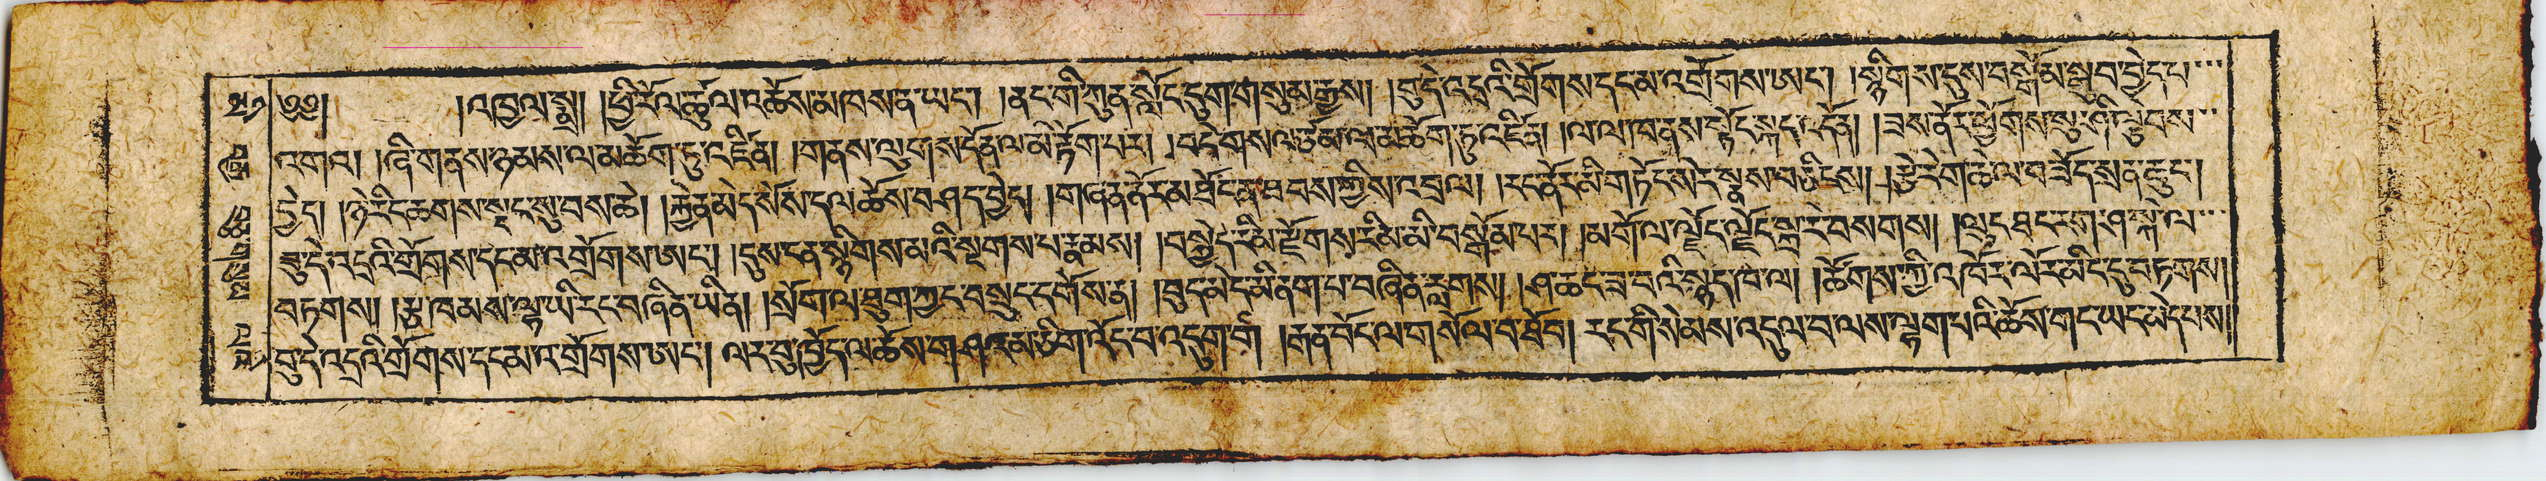འཁྱལ་སྨྲ། །ཕྱི་རོལ་་ཚུལ་འཆོས་མཁས་ན་ཡང་། །ནང་གི་ཀུན་སློང་དུག་གསུམ་རྒྱས། །བུ་དེ་འདྲའི་གྲོགས་དང་མ་འགྲོགས་ཨང་། །སྙིགས་དུས་བསྒོམ་སྒྲུབ་བྱེད་པ་
འགའ། །ཞི་གནས་ཉམས་ལ་མཆོག་ཏུ་འཛིན། །གནས་ལུགས་དོན་ལ་མ་རྟོགས་པར། །བདེ་གསལ་ཙམ་ལ་མཆོག་ཏུ་འཛིན། །ལ་ལ་ཁ་ནས་སྟོང་སྐད་འདོན། །ཟས་ནོར་ཕྱོགས་སུ་ཤི་ལྕེབས་
བྱེད། །ཉེ་རིང་ཆགས་སྡང་སུ་བས་ཆེ། །རྐྱེན་མེད་སོས་དལ་ཆོས་བཤད་བྱེད། །གཞན་ནོར་མཐོང་ན་ཐབས་ཀྱིས་འབྲལ། །རང་ནོར་མི་གཏོད་སེར་སྣས་བཅིངས། །རྩེ་རེག་ཆེ་ལ་བཟོད་སྲན་ཆུང་། །
བུ་དེ་འདྲའི་གྲོགས་དང་མ་འགྲོགས་ཨང་། །དུས་ངན་སྙིགས་མའི་སྔགས་པ་རྣམས། །བསྐྱེད་རིམ་རྫོགས་རིམ་མི་བསྒོམ་པར། །མགོ་ལ་ལྗོང་ལྗོང་སྐྲ་རེ་བསགས། །ལུང་ཐང་རག་ཤ་སྐེ་ལ་
བཏགས། །རྩ་ཁམས་ལྷ་ཡི་རང་བཞིན་ཡིན། །སྲོག་ལ་ཐུག་ཀྱང་བསྲུང་དགོས་ན། །བུད་མེད་མི་ནག་པ་བཞིན་རླགས། །ཤ་ཆང་ཟ་བའི་སྙད་ཁ་ལ། །ཚོགས་ཀྱི་འཁོར་ལོར་མིང་དུ་བཏགས། །
བུ་དེ་འདྲའི་གྲོགས་དང་མ་འགྲོགས་ཨང་། །ལར་བུ་ཁྱོད་ལ་ཆོས་གཤའ་མ་ཅིག་འོང་བ་འདུག་གི །རྒན་བོང་ལ་གསོལ་བ་ཐོབ། རང་གི་སེམས་འདུལ་བ་ལས་ལྷག་པའི་ཆོས་གང་ཡང་མེད་པས།